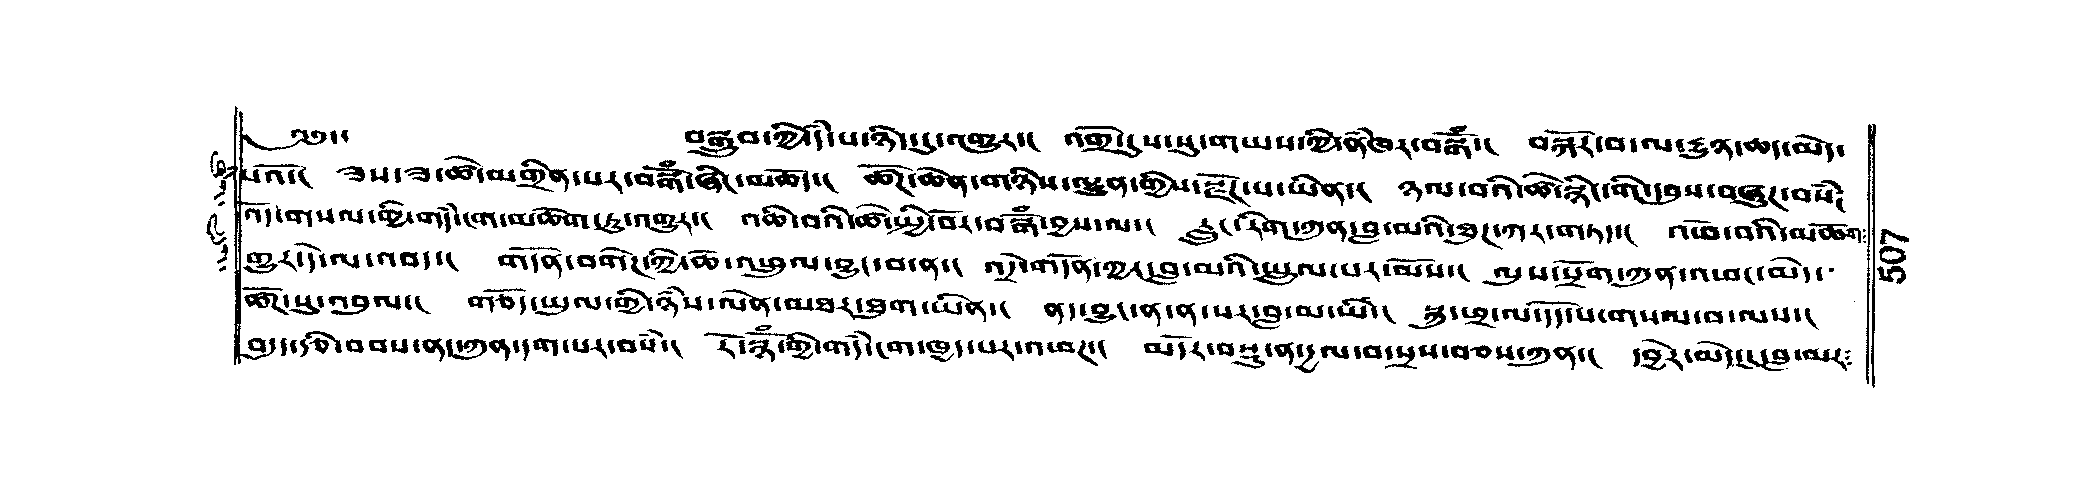བསྒྲུབ་ཀྱི་དམ་པ་ཉིད་དུ་འགྱུར། །འགྲོ་དུས་སུ་གཡས་ཀྱི་ནམ་མཁར་བསྒོམ། །བསྐོར་བ་ལ་རྒྱུན་ཆད་མེད་
པའོ། །ཟས་ཟ་ཚེ་མགྲིན་པར་བསྒོམ་ཞིང་མཆོད། །ཚོགས་ཆེན་གཉིས་ལྷུན་གྱིས་རྫོགས་པ་ཡིན། །ཉལ་བའི་ཚེ་སྙིང་གི་དབུས་བཞུགས་བསམ། །
འོད་གསལ་གྱི་གདམས་ངག་མཆོག་ཏུ་འགྱུར། །འཆི་བའི་ཚེ་སྤྱི་བོར་བསྒོམ་བྱས་ལ། །རླུང་རིག་ཀུན་བླ་མའི་ཐུགས་ཀར་གཏད། །འཕོ་བའི་མཆོག་
གྱུར་དེ་ལ་འབད། །གདོན་བགེགས་ཀྱི་ཆོ་འཕྲུལ་བྱུང་བ་ན། །འདྲེ་གདོན་ཀྱང་བླ་མའི་སྤྲུལ་པར་མོས། །ལུས་སྲོག་ཀུན་འཕངས་མེད་
ཚོགས་སུ་འབུལ། །གཅོད་ཡུལ་གྱི་ཉམས་ལེན་མཐར་ཐུག་ཡིན། །ནད་བྱུང་ན་ན་སར་བླ་མ་ཡི། །སྐུ་ཕྲ་ལ་དོད་པ་གསལ་བ་ལས། །
བདུད་རྩི་བབས་ནད་ཀུན་དག་པར་བསམ། །རོ་སྙོམ་གྱི་གདམས་ངག་ཁྱད་པར་འཕགས། །མདོར་བསྡུ་ན་རྒྱལ་བ་སྲས་བཅས་ཀུན། །དབྱེར་མེད་དུ་བླ་མར་